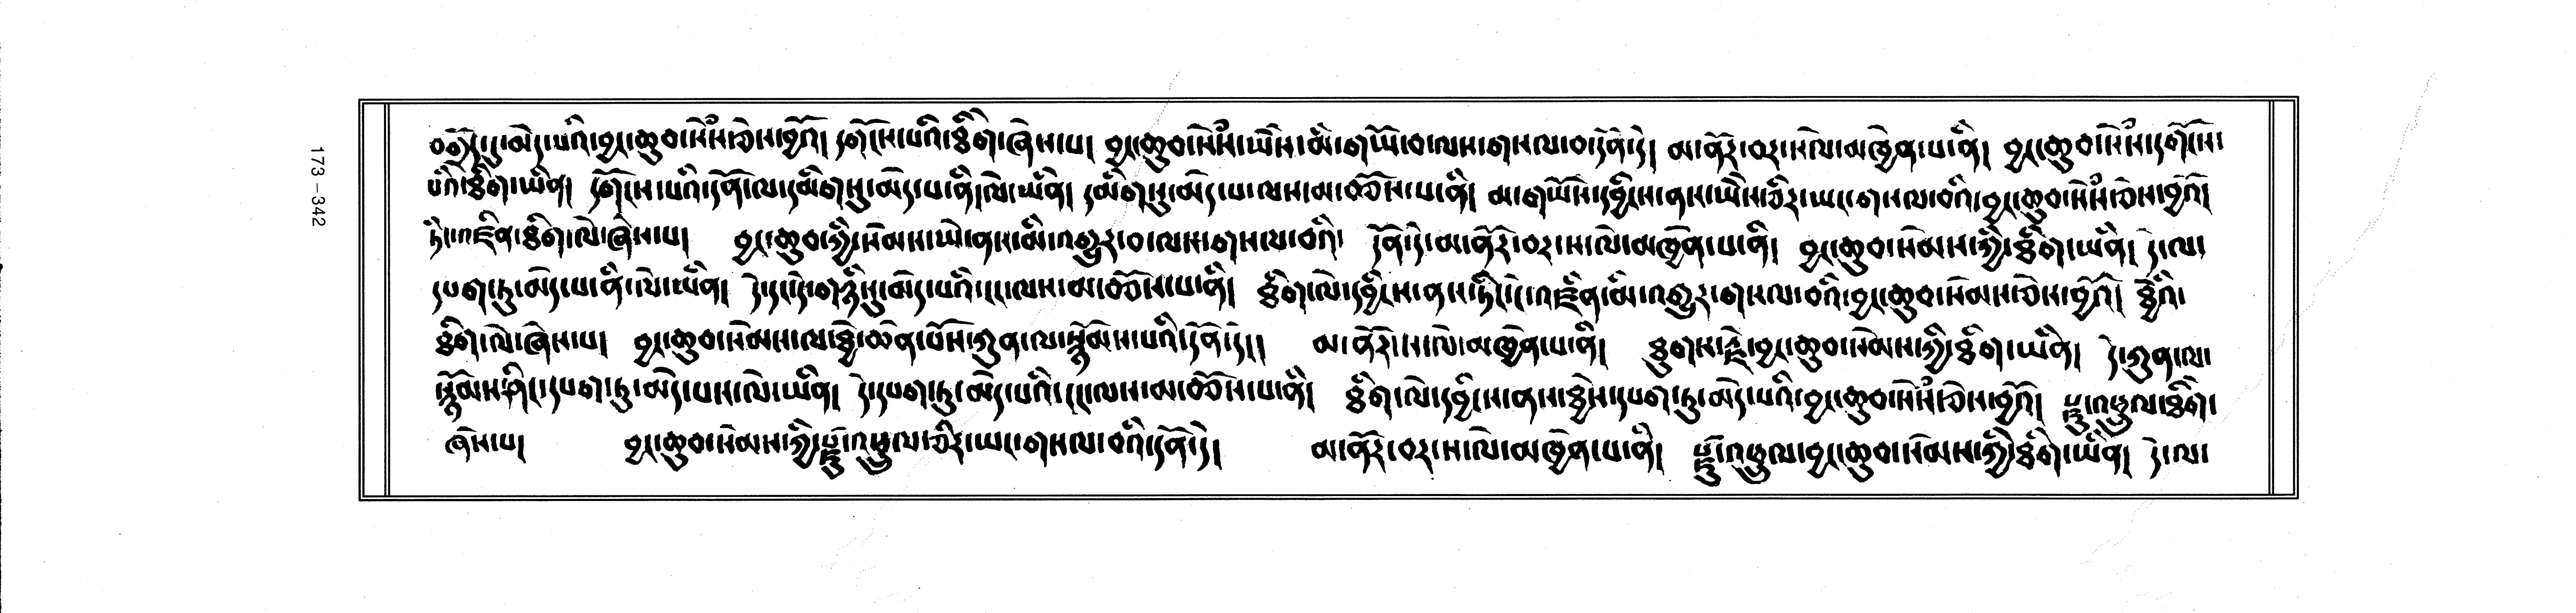བགྲོད་དུ་མེད་པའི་བྱང་ཆུབ་སེམས་ཀྱི་ཐིག་ལེ་ཞེས་བྱའོ། །དགོངས་པའི་ཐིག་ལེ་ཞེས་པ་བྱང་ཆུབ་ཀྱི་སེམས་ཡེ་ཤེས་མི་གཡོ་བ་ལས་གསལ་བ་དོན་དེ། མ་ནོར་བར་གསལ་བར་མཁྱེན་པ་ནི། བྱང་ཆུབ་སེམས་དགོངས་
པའི་ཐིག་ལེ་ཡིན། དགོངས་པའི་དོན་ལ་དམིགས་སུ་མེད་པ་ནི་ལེ་ཡིན། དམིགས་སུ་མེད་པ་ལས་མ་བཅོས་པ་ནི། མ་གཡོས་དབྱིངས་ནས་ཡེ་ཤེས་ཅིར་ཡང་གསལ་བའི་བྱང་ཆུབ་སེམས་ཅེས་བྱའོ། །
ཏིང་འཛིན་ཐིག་ལེ་ཞེས་པ། བྱང་ཆུབ་ཀྱི་སེམས་ཡེ་ནས་མི་འགྱུར་བ་ལས་གསལ་བའི་དོན་དེ་མ་ནོར་བ་སལེ་མཁྱེན་པ་ནི། བྱང་ཆུབ་སེམས་ཀྱི་ཐིག་ཡིན། དེ་ལ་
དཔག་ཏུ་མེད་པ་ནི་ལེ་ཡིན། དེ་དང་དེ་གཉིས་སུ་མེད་པའི་ངང་ལ་མ་བཅོས་པ་ནི། ཐིག་ལེ་དབྱིངས་ནས་ཏིང་ངེ་འཛིན་མི་འགྱུར་གསལ་བའི་བྱང་ཆུབ་སེམས་ཅེས་བྱའོ། །ཐུགས་རྗེའི་
ཐིག་ལེ་ཞེས་པ། བྱང་ཆུབ་སེམས་ལ་ཐུགས་རྗེ་ཆེན་པོས་ཀུན་ལ་སྙོམས་པའི་དོན་དེ་མ་ནོར་སལེ་མཁྱེན་པ་ནི། ཐུགས་རྗེ་བྱང་ཆུབ་སེམས་ཀྱི་ཐིག་ཡིན། དེ་ཀུན་ལ་
སྙོམས་ཤིང་དཔག་ཏུ་མེད་པས་ལེ་ཡིན། དེ་དཔག་ཏུ་མེད་པའི་ངང་ལ་མ་བཅོས་པ་ནི། ཐིག་ལེའི་དབྱིངས་ནས་མ་ཐུགས་རྗེ་དཔག་ཏུ་མེད་པའི་བྱང་ཆུབ་སེམས་ཅེས་བྱའོ། །རྫུ་འཕྲུལ་ཐིག་ལེ་
ཞེས་པ། བྱང་ཆུབ་སེམས་ཀྱི་རྫུ་འཕྲུལ་ཅིར་ཡང་གསལ་བའི་དོན་དེ། མ་ནོར་བར་སལེ་མཁྱེན་པ་ནི། རྫུ་འཕྲུལ་བྱང་ཆུབ་སེམས་ཀྱི་ཐིག་ལེ་ཡིན། དེ་ལ་